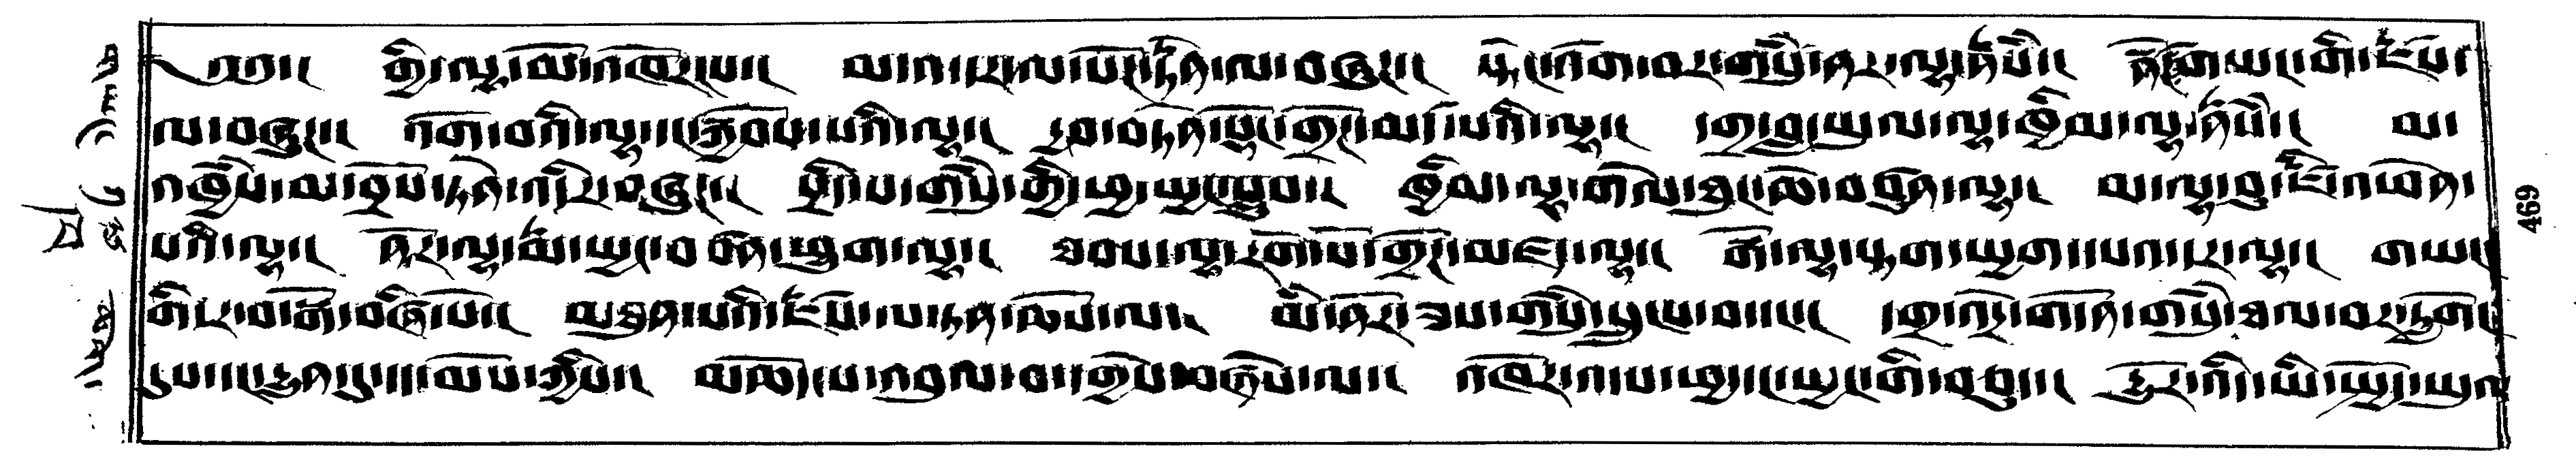གྱི་ལྷ་མོ་འཁོར་དང་བཅས། །མདའ་དར་ལ་སོགས་རྟེན་ལ་བཞུགས། །སྟེང་འོག་བར་གསུམ་ནོར་ལྷ་རྣམས། །སྣ་ཚོགས་གཡང་གི་རྫས་
ལ་བཞུགས། །འགོ་བའི་ལྷ་དང་སྐྱོབས་པའི་ལྷ། །རྒྱབ་རྟེན་སྡོང་གྲོགས་མཛད་པའི་ལྷ། །དགྲ་བླ་ཡུལ་ལྷ་ཁྱིམ་ལྷ་རྣམས། །མ་
འཁྱམས་མ་བྲོས་རྟེན་འདིར་བཞུགས། །སྲིད་པ་གསུམ་གྱི་ཕྱྭ་གཡང་སྡུས། །ཁྱིམ་ལྷ་གེལ་ཐུང་ཆེ་བཙུན་ལྷ། །མ་ལྷ་བུ་རྫི་འཕེན་
པའི་ལྷ། །ནོར་ལྷ་རྨ་གཡང་བཙན་ཕྱུག་ལྷ། །ཐབ་ལྷ་རོག་པོ་གྲོགས་མཛད་ལྷ། །སྒོ་ལྷ་སྟག་གཡག་དཔའ་དར་ལྷ། །གཡང
གི་ར་བ་སྒོ་བཞི་པོ། །མཐུན་པའི་རྫས་ལ་རྟེན་ཆོས་ལ། །མི་ནོར་ཟས་གསུམ་སྲུང་བ་དང་། །དགྲ་འདྲེ་གདོན་གསུམ་ཐལ་བར་རློག། །
དུས་དང་རྒྱུན་དུ་དད་མོས་ཀྱིས། །མཆོད་པ་འབུལ་བ་དགྱེས་བཞེས་ལ། །འཁོར་འདས་ཕྱྭ་དང་གཡང་གི་བཅུད། །རྒྱུ་སྦྱོར་འདི་ཡི་སྤྱོད་ཡུལ་